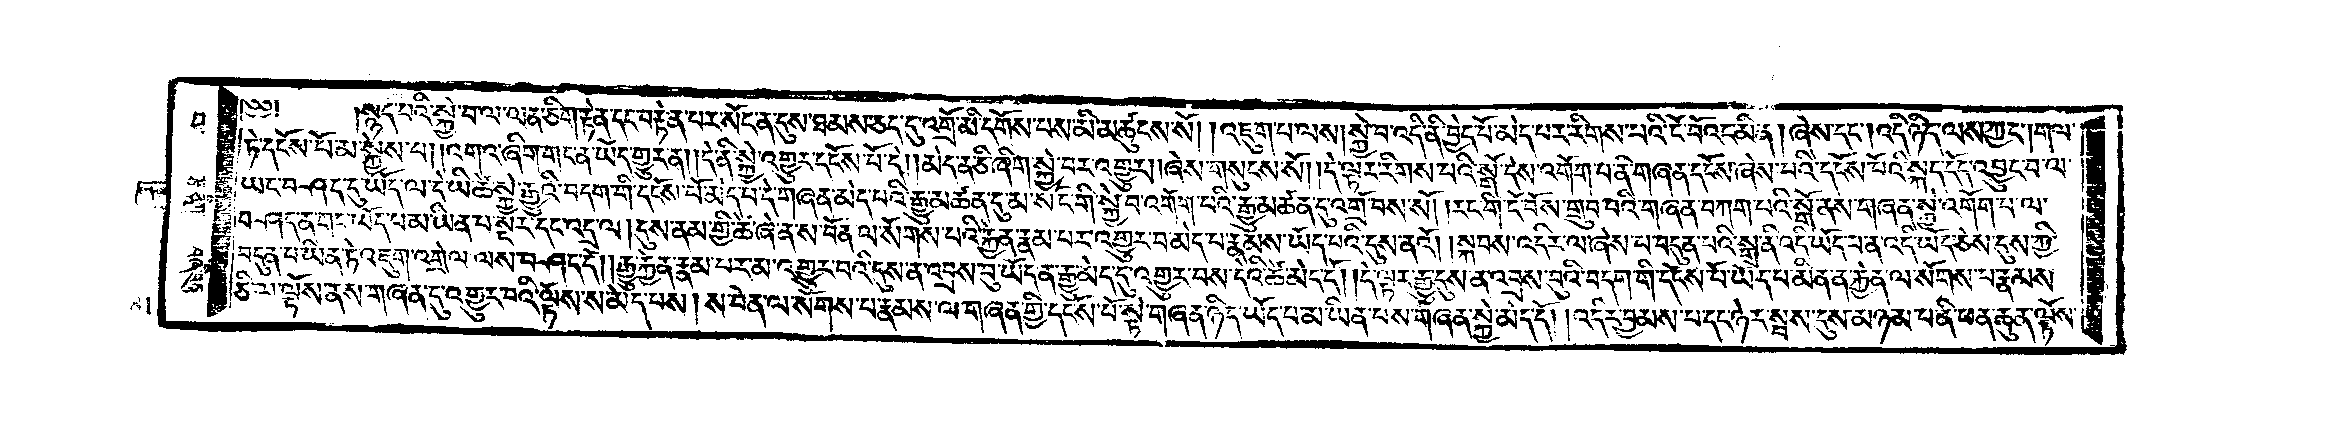༄༅། །སྙད་པའི་སྐྱེ་བ་ལ་ལན་ཅིག་རྟེན་དང་བརྟེན་པར་སོང་ན་དུས་ཐམས་ཅད་དུ་འགྲོ་མི་དགོས་པས་མི་མཚུངས་སོ། །འཇུག་པ་ལས། སྐྱེ་བ་འདི་ནི་བྱེད་པོ་མེད་པར་རིགས་པའི་ངོ་བོའང་མིན། ཞེས་དང་། དེའི་ཉིད་ལས་ཀྱང་། གལ་
ཏེ་དངོས་པོ་མ་སྐྱེས་པ། །འགའ་ཞིག་གང་ན་ཡོད་གྱུར་ན། །དེ་ནི་སྐྱེ་འགྱུར་དངོས་པོ་དེ། །མེད་ན་ཅི་ཞིག་སྐྱེ་བར་འགྱུར། །ཞེས་གསུངས་སོ། །དེ་ལྟར་རིགས་པའི་སྒོ་དེས་འགོག་པ་ནི་གཞན་དངོས་ཞེས་པའི་དངོས་པོའི་སྐད་དོད་འབྱུང་བ་ལ་
ཡང་བཤད་དུ་ཡོད་ལ་དེ་ཡི་ཚེ་སྐྱེ་རྒྱུའི་བདག་གི་དངོས་པོ་མེད་པ་དེ་གཞན་མེད་པའི་རྒྱུ་མཚན་དུ་མ་སོང་གི་སྐྱེ་བ་འགོག་པའི་རྒྱུ་མཚན་དུ་འགྲོ་བས་སོ། །རང་གི་ངོ་བོས་གྲུབ་པའི་གཞན་བཀག་པའི་སྒོ་ནས་གཞན་སྐྱེ་འགོག་པ་ལ་
བཤད་ན་གང་ཡོད་པ་མ་ཡིན་པ་སྔར་དང་འདྲ་ལ། དུས་ནམ་གྱི་ཚེ་ཞེ་ན་ས་བོན་ལ་སོགས་པའི་རྐྱེན་རྣམ་པར་འགྱུར་བ་མེད་པ་རྣམས་ཡོད་པའི་དུས་ནའོ། །སྐབས་འདིར་ལ་ཞེས་པ་བདུན་པའི་སྒྲ་ནི་འདི་ཡོད་པ་ན་འདི་ཡོད་ཅེས་དུས་ཀྱི་
བདུན་པ་ཡིན་ཏེ་འཇུག་འགྲེལ་ལས་བཤད་དོ། །རྒྱུ་རྐྱེན་རྣམ་པར་མ་འགྱུར་བའི་དུས་ན་འབྲས་བུ་ཡོད་ན་རྒྱུ་མེད་དུ་འགྱུར་བས་དེའི་ཚེ་མེད་དོ། །དེ་ལྟར་རྒྱུ་དུས་ན་འབྲས་བུའི་བདག་གི་དངོས་པོ་ཡོད་པ་མིན་ན་རྐྱེན་ལ་སོགས་པ་རྣམས་
ཅི་ལ་ལྟོས་ནས་གཞན་དུ་འགྱུར་བའི་ལྟོས་ས་མེད་པས། ས་བོན་ལ་སོགས་པ་རྣམས་ལ་གཞན་གྱི་དངོས་པོ་སྟེ་གཞན་ཉིད་ཡོད་པ་མ་ཡིན་པས་གཞན་སྐྱེ་མེད་དོ། །འདིར་བྱམས་པ་དང་ཉེར་སྦས་དུས་མཉམ་པ་ནི་ཕན་ཚུན་ལྟོས་